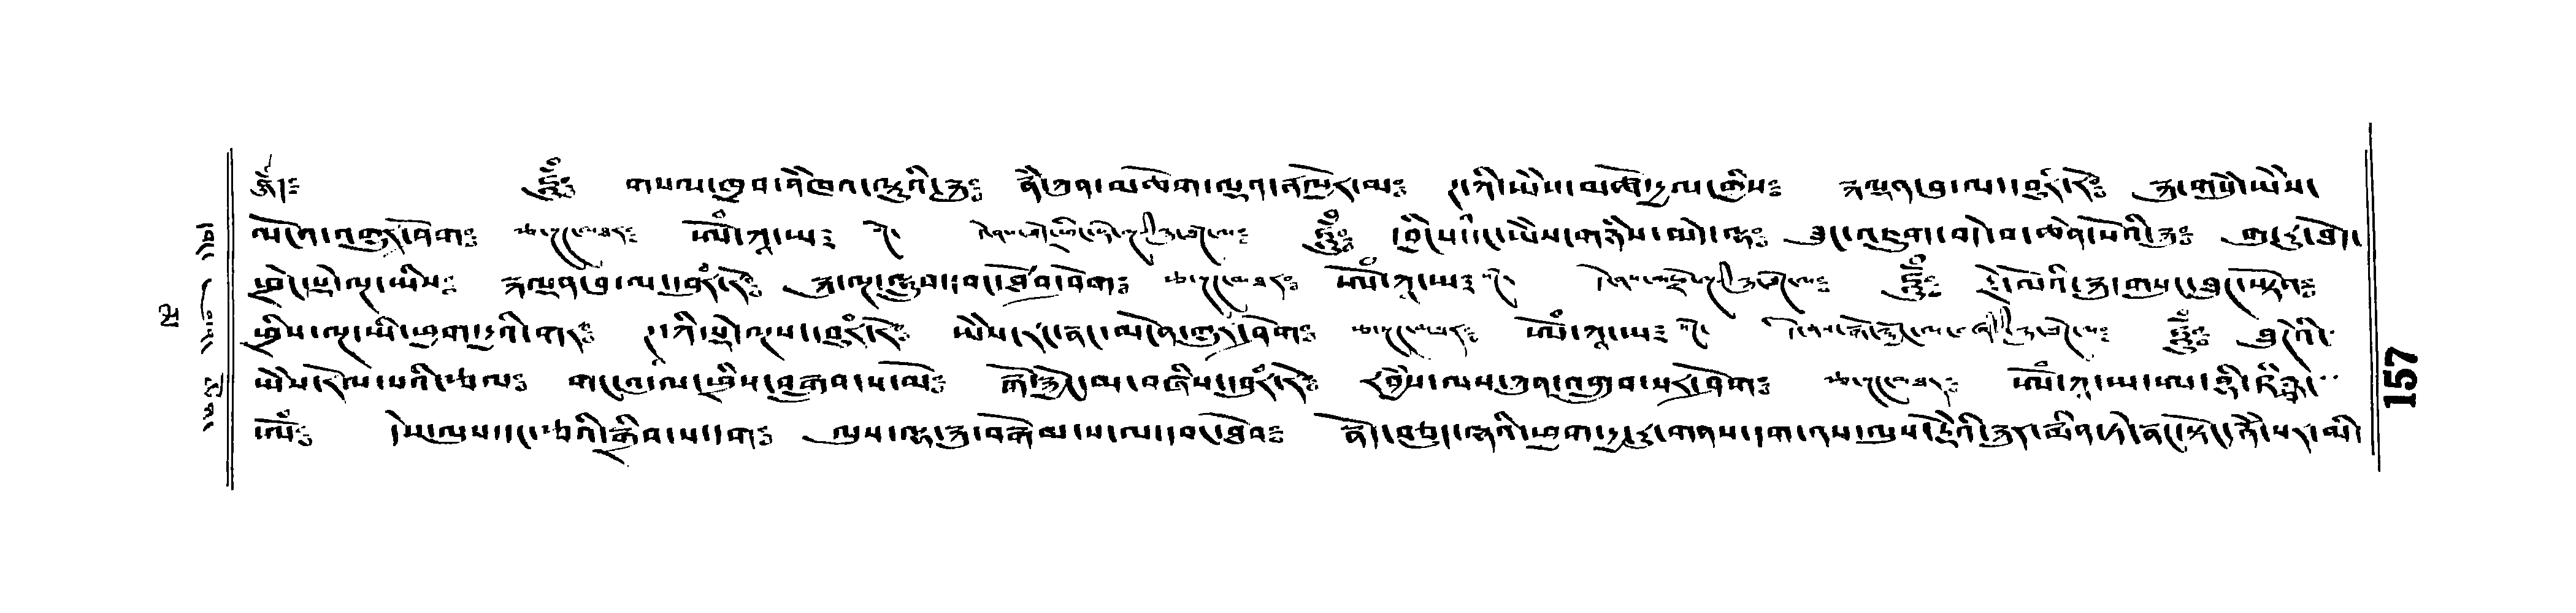ཧཱུྃ༔ གསལ་ཁྱབ་ནམ་མཁའ་ལྟ་བུའི་སྐུ༔ རྣམ་ཀུན་མཆོག་ལྡན་རྣལ་འབྱོར་མ༔ ཌཱ་ཀི་ཡེ་ཤེས་མཚོ་རྒྱལ་གྱིས༔ སྐལ་ལྡན་བུ་ལ་དབང་བསྐུར་རོ༔ སྐུ་གསུམ་ཡེ་ཤེས་
མངོན་འགྱུར་ཤོག༔ རྩ་སྔགས་མཐར༔ ཨོཾ་ཀཱ་ཡ་སོགས༔ དེ་ནས་ཐོད་ཕྲེང་སྡེ་ལྔའི་སྐུ་ཐོགས་ལ༔ ཧཱུྃ༔ དབྱིངས་དང་ཡེ་ཤེས་གཉིས་མེད་ལྷཿ ཟུང་འཇུག་བདེ་བ་ཆེན་པོའི་སྐུ༔ གུ་རུ་ཐོད་
ཕྲེང་སྡེ་ལྔ་ཡིས༔ སྐལ་ལྡན་བུ་ལ་དབང་བསྐུར་རོ༔ སྐུ་ལྔ་ལྷུན་གྲུབ་དབང་ཐོབ་ཤོག༔ རྩ་སྔགས་མཐར༔ ཨོཾ་ཀཱ་ཡ་སོགས༔ དེ་ནས་མཁའ་འགྲོ་ལྔའི་སྐུ་ཐོགས་ལ༔ ཧཱུྃ༔ རྗེ་མོའི་སྐུ་གསུང་ཐུགས་ཡོན་ཏན༔ 
ཕྲིན་ལས་ལྔ་ཡི་ཕྱག་རྒྱའི་གར༔ ཌཱ་ཀི་སྡེ་ལྔས་དབང་བསྐུར་རོ༔ ཡེ་ཤེས་རང་སྣང་མངོན་གྱུར་ཤོག༔ རྩ་སྔགས་མཐར༔ ཨོཾ་ཀཱ་ཡ་སོགས༔ དེ་ནས་སྒོ་སྐྱོང་མ་བཞིའི་སྐུ་ཐོགས་ལ༔ ཧཱུྃ༔ ཐུགས་རྗེའི་
ཡེ་ཤེས་རོལ་པའི་རྩལ༔གང་འདུལ་ཕྲིན་ལས་བསྒྲུབ་པ་མོ༔ སྒོ་སྐྱོང་མ་བཞིས་དབང་བསྐུར་རོ༔ རམ་འབྱམས་ལས་ཀུན་འགྲུབ་པར་ཤོག༔ རྩ་སྔགས་མཐར༔ ཨོཾ་ཀཱ་ཡ་ཨ་བྷི་རིཉྩ་
ཨོཾ༔ དེས་ལུས་དང་རྩའི་སྒྲིབ་པ་དག༔ ལུས་ལྷ་སྐུ་བསྒོམ་པ་ལ་དབང་ཐོབ༔ སྣོད་བཅུད་ལྷའི་ཕྱག་རྒྱ་རུ་གནས་དག་ནས་ལུས་རྡོ་རྗེའི་སྐུར་སྨིན་ཏེ་སྣང་སྟོང་རྣམ་པར་མི་